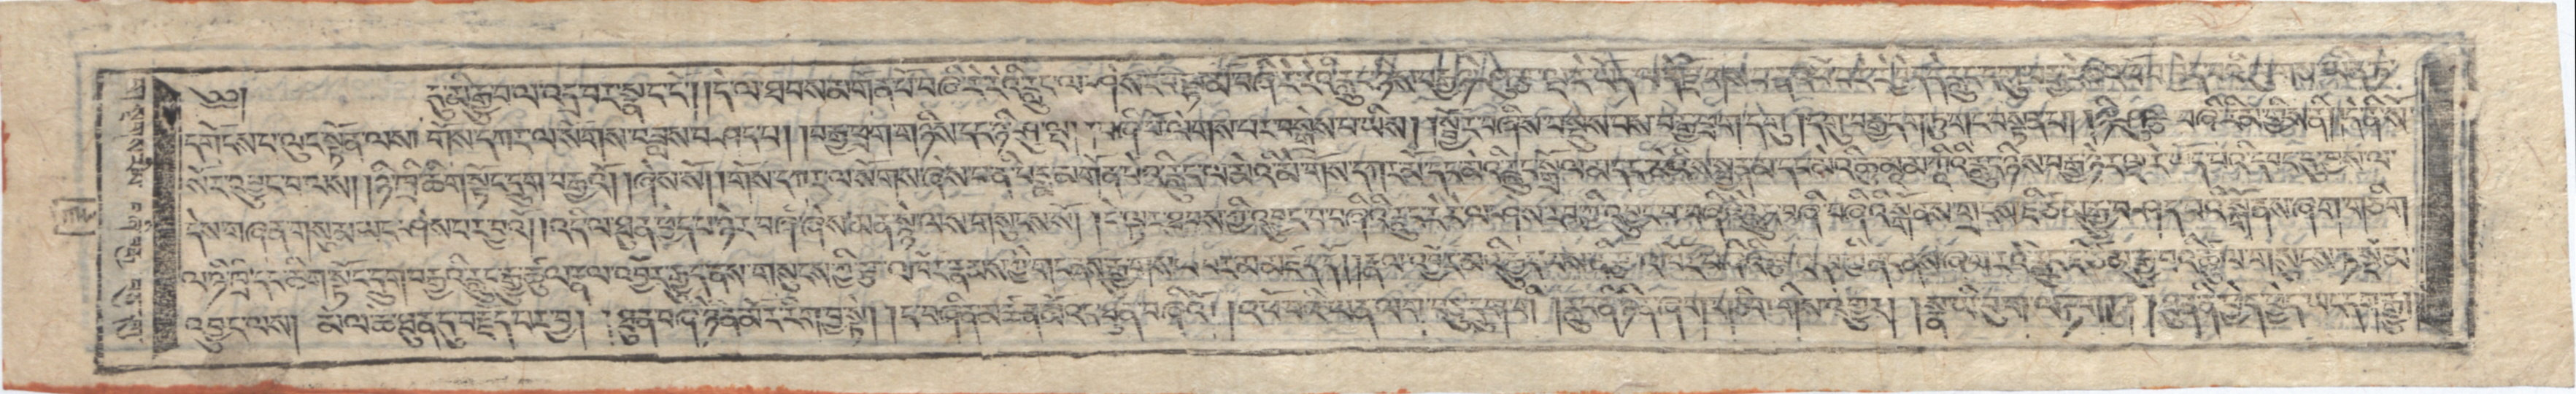༄༅། །དུ་མི་རྒྱུ་བ་ལ་འདྲ་བར་སྣང་ངོ། །དེ་ལ་ཐབས་མགོན་པོ་བཞི་རེ་རེའི་རླུང་ལ་ཤེས་རབ་ལྷ་མོ་བཞི་རེ་རེའི་རླུང་ཉིས་བརྒྱ་ཉི་ཤུ་རྩ་ལྔ་རེ་ཡོད་ལ་དེ་རྫོགས་པ་ན་འཕོ་བ་རེ་རེ་བྱེད་དེ་རླུང་དགུ་བརྒྱ་རེས་འཕོ་བ་བྱེད་བའི་ལུགས་ཡིན་ཏེ་
དགོངས་པ་ལུང་སྟོན་ལས། གོས་དཀར་ལ་སོགས་བཟླས་བཤད་པ། །བརྒྱ་ཕྲག་གཉིས་དང་ཉི་ཤུ་ལྔ། །བཞི་པོ་ལེགས་པར་བསྒྲེས་པ་ཡིས། །སྦྱོར་བཞིས་བསྡུས་པས་བརྒྱ་ཕྲག་དགུ །དགུ་བརྒྱ་དག་ཏུ་གང་བསྟན་པ། །ཉི་ཤུ་རྩ་བཞི་རིམ་གྱིས་ནི། །དེ་ནི་སོ་
སོར་འབྱུང་བ་ལས། །ཉི་ཁྲི་ཆིག་སྟོང་དྲུག་བརྒྱའོ། །ཞེས་སོ། །གོས་དཀར་ལ་སོགས་ཞེས་པ་ནི་པདམ་མགོན་པོའི་རླུང་ལ་མེའི་མེ་གོས་དཀར་མོ་དང་མེའི་རླུང་སྒྲོལ་མ་དང་མེའི་ས་སྤྱན་མ་དང་མེའི་ཆུ་མཱ་མ་ཀཱིའི་རླུང་ཉིས་བརྒྱ་ཉེར་ལྔ་རེ་ཡོད་པའི་དབང་དུ་བྱས་ལ་
དེས་གཞན་གསུམ་ཡང་ཤེས་པར་བྱའོ། །འདི་ལ་ཐུན་ཕྱེད་པ་ཉེར་བཞི་ཞེས་མན་སྙེ་ལས་གསུངས་སོ། །དེ་ལྟར་ཐབས་ཀྱི་འབྱུང་བ་བཞིའི་རླུང་རེ་རེ་ལ་ཤེས་རབ་ཀྱི་འབྱུང་བ་བཞིའི་རླུང་བཞི་བཞིའི་སྒོ་ནས་གྲངས་ཇི་ཙམ་རྒྱུ་བཤད་པའི་སྒོ་ནས་ཞག་གཅིག་
ལ་ཉི་ཁྲི་དང་ཆིག་སྟོང་དྲུག་བརྒྱའི་རླུང་རྒྱུ་ཚུལ་རྣལ་འབྱོར་རྒྱུད་ནས་གསུངས་ཀྱི་རྩ་འཁོར་རྣམས་ཀྱི་གང་ནས་རྒྱུ་གསལ་བར་མ་མཛད་དོ། །རྣལ་འབྱོར་མའི་རྒྱུད་ལས་ནི་རྩ་འཁོར་བཞིའི་རྩ་འདབ་ཀྱི་ནང་ནས་ཞག་རེའི་རླུང་ཇི་ཙམ་རྒྱུ་བའི་ཚུལ་གསུངས་ཏེ་སྡོམ་
འབྱུང་ལས། མེལ་ཆེ་ཐུན་དུ་བརྗོད་པར་བྱ། །ཐུན་བཞི་ཉོན་མོར་རིག་བྱ་སྟེ། །དེ་བཞིན་མཚན་མོའང་ཐུན་བཞིའོ། །འཕོ་བའི་ཡན་ལག་བཅུ་དྲུག་གི །རླུང་ནི་ཉིན་ཞག་གཅིག་གིས་འགྱུར། །སྣ་ཡི་བུ་ག་ལ་རྟག་ཏུ། །ཐུན་ནི་ཕྱེད་ཕྱེད་ཡང་དག་རྒྱུ། །